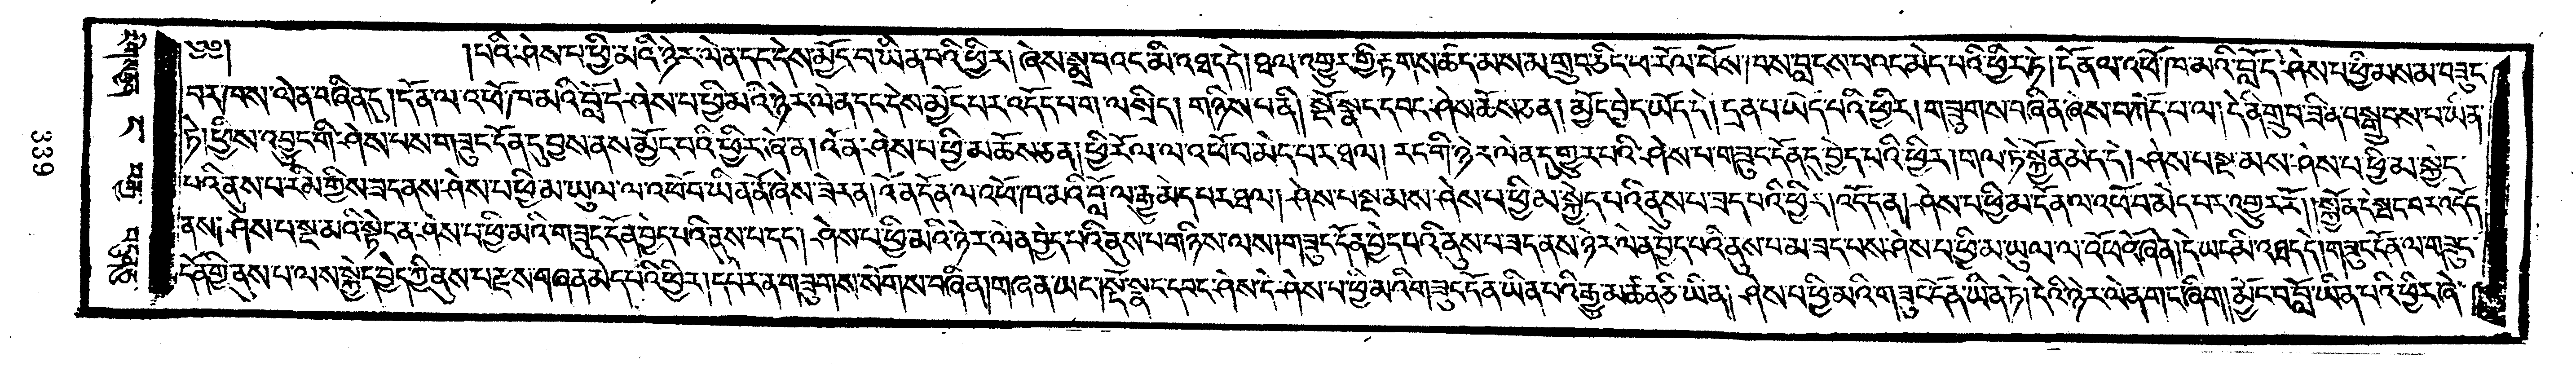༄༅། །པའི་ཤེས་པ་ཕྱི་མའི་ཉེར་ལེན་དང་དེས་མྱོང་བ་ཡིན་པའི་ཕྱིར། ཞེས་སྨྲ་བའང་མི་འཐད་དེ། ཐལ་འགྱུར་གྱི་རྟགས་ཚད་མས་མ་གྲུབ་ཅིང་ཕ་རོལ་པོས་ཁས་བླངས་པའང་མེད་པའི་ཕྱིར་ཏེ། དོན་ལ་འཕོ་ཁ་མའི་བློ་དེ་ཤེས་པ་ཕྱི་མས་མ་བཟུང་
བར་ཁས་ལེན་བཞིན་དུ། དོན་ལ་འཕོ་ཁ་མའི་བློ་དེ་ཤེས་པ་ཕྱི་མའི་ཉེར་ལེན་དང་དེས་མྱོང་བར་འདོད་པ་ག་ལ་སྲིད། གཉིས་པ་ནི། སྔོ་སྣང་དབང་ཤེས་ཆོས་ཅན། མྱོང་བྱེད་ཡོད་དེ། དྲན་པ་ཡོད་པའི་ཕྱིར། གཟུགས་བཞིན་ཞེས་བཀོད་པ་ལ། དེ་ནི་གྲུབ་ཟིན་བསྒྲུབས་པ་ཡིན་
ཏེ༑ ཕྱིས་འབྱུང་གི་ཤེས་པས་གཟུང་དོན་དུ་བྱས་ནས་མྱོང་བའི་ཕྱིར་ཞེ་ན། འོ་ན་ཤེས་པ་ཕྱི་མ་ཆོས་ཅན། ཕྱི་རོལ་ལ་འཕོ་བ་མེད་པར་ཐལ། རང་གི་ཉེར་ལེན་དུ་གྱུར་པའི་ཤེས་པ་གཟུང་དོན་དུ་བྱེད་པའི་ཕྱིར། གལ་ཏེ་སྐྱོན་མེད་དེ། ཤེས་པ་སྔ་མས་ཤེས་པ་ཕྱི་མ་སྐྱེད་
པའི་ནུས་པ་རིམ་གྱིས་ཟད་ནས་ཤེས་པ་ཕྱི་མ་ཡུལ་ལ་འཕོ་བ་ཡིན་ནོ་ཞེས་ཟེར་ན། འོ་ན་དོན་ལ་འཕོ་ཁ་མའི་བློ་ལ་རྒྱུ་མེད་པར་ཐལ། ཤེས་པ་སྔ་མས་ཤེས་པ་ཕྱི་མ་སྐྱེད་པའི་ནུས་པ་ཟད་པའི་ཕྱིར། འདོད་ན། ཤེས་པ་ཕྱི་མ་དོན་ལ་འཕོ་བ་མེད་པར་འགྱུར་རོ། །སྐྱོན་དེ་སྤང་བར་འདོད་
ནས༑ ཤེས་པ་སྔ་མའི་སྟེང་ན་ཤེས་པ་ཕྱི་མའི་གཟུང་དོན་བྱེད་པའི་ནུས་པ་དང་། ཤེས་པ་ཕྱི་མའི་ཉེར་ལེན་བྱེད་པའི་ནུས་པ་གཉིས་ལས། གཟུང་དོན་བྱེད་པའི་ནུས་པ་ཟད་ནས་ཉེར་ལེན་བྱེད་པའི་ནུས་པ་མ་ཟད་པས་ཤེས་པ་ཕྱི་མ་ཡུལ་ལ་འཕོའོ་ཞེ་ན། དེ་ཡང་མི་འཐད་དེ། གཟུང་དོན་ལ་གཟུང་
དོན་གྱི་ནུས་པ་ལས་སྐྱེད་བྱེད་ཀྱི་ནུས་པ་རྫས་གཞན་མེད་པའི་ཕྱིར། དཔེར་ན་གཟུགས་སོགས་བཞིན། གཞན་ཡང་། སྔོ་སྣང་དབང་ཤེས་དེ་ཤེས་པ་ཕྱི་མའི་གཟུང་དོན་ཡིན་པའི་རྒྱུ་མཚན་ཅི་ཡིན། ཤེས་པ་ཕྱི་མའི་གཟུང་དོན་ཡིན་ཏེ། དེའི་ཉེར་ལེན་གང་ཞིག །མྱོང་བ་བློ་ཡིན་པའི་ཕྱིར་ཞེ་